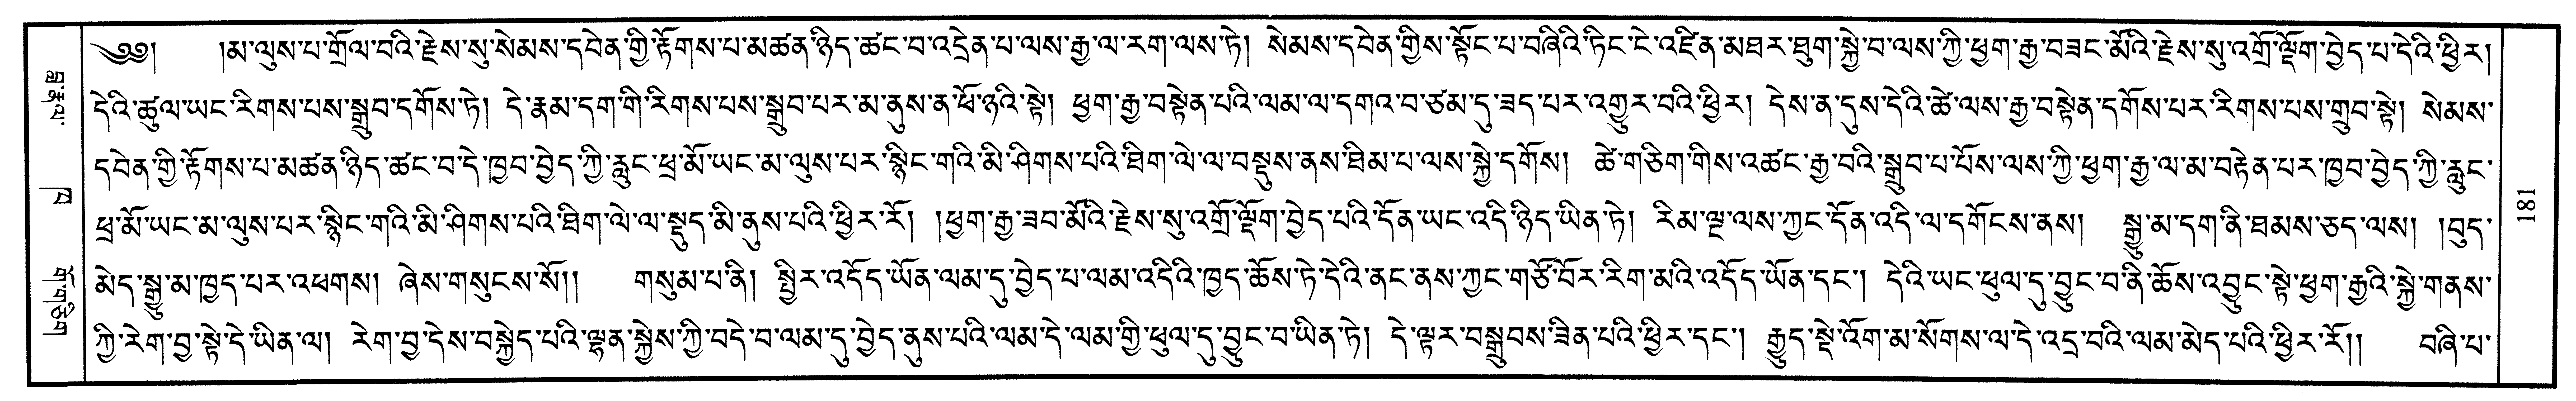༄༅། །མ་ལུས་པ་གྲོལ་བའི་རྗེས་སུ་སེམས་དབེན་གྱི་རྟོགས་པ་མཚན་ཉིད་ཚང་བ་འདྲེན་པ་ལས་རྒྱ་ལ་རག་ལས་ཏེ། སེམས་དབེན་གྱིས་སྟོང་པ་བཞིའི་ཏིང་ངེ་འཛིན་མཐར་ཐུག་སྐྱེ་བ་ལས་ཀྱི་ཕྱག་རྒྱ་བཟང་མོའི་རྗེས་སུ་འགྲོ་ལྡོག་བྱེད་པ་དེའི་ཕྱིར།
དེའི་ཚུལ་ཡང་རིགས་པས་སྒྲུབ་དགོས་ཏེ། དེ་རྣམ་དག་གི་རིགས་པས་སྒྲུབ་པར་མ་ནུས་ན་ཕོ་ཉའི་སྟེ། ཕྱག་རྒྱ་བསྟེན་པའི་ལམ་ལ་དགའ་བ་ཙམ་དུ་ཟད་པར་འགྱུར་བའི་ཕྱིར། དེས་ན་དུས་དེའི་ཚེ་ལས་རྒྱ་བསྟེན་དགོས་པར་རིགས་པས་གྲུབ་སྟེ། སེམས་
དབེན་གྱི་རྟོགས་པ་མཚན་ཉིད་ཚང་བ་དེ་ཁྱབ་བྱེད་ཀྱི་རླུང་ཕྲ་མོ་ཡང་མ་ལུས་པར་སྙིང་གའི་མི་ཤིགས་པའི་ཐིག་ལེ་ལ་བསྡུས་ནས་ཐིམ་པ་ལས་སྐྱེ་དགོས། ཚེ་གཅིག་གིས་འཚང་རྒྱ་བའི་སྒྲུབ་པ་པོས་ལས་ཀྱི་ཕྱག་རྒྱ་ལ་མ་བརྟེན་པར་ཁྱབ་བྱེད་ཀྱི་རླུང་
ཕྲ་མོ་ཡང་མ་ལུས་པར་སྙིང་གའི་མི་ཤིགས་པའི་ཐིག་ལེ་ལ་སྡུད་མི་ནུས་པའི་ཕྱིར་རོ། །ཕྱག་རྒྱ་ཟབ་མོའི་རྗེས་སུ་འགྲོ་ལྡོག་བྱེད་པའི་དོན་ཡང་འདི་ཉིད་ཡིན་ཏེ། རིམ་ལྔ་ལས་ཀྱང་དོན་འདི་ལ་དགོངས་ནས། སྒྱུ་མ་དག་ནི་ཐམས་ཅད་ལས། །བུད་
མེད་སྒྱུ་མ་ཁྱད་པར་འཕགས། ཞེས་གསུངས་སོ།། གསུམ་པ་ནི། སྤྱིར་འདོད་ཡོན་ལམ་དུ་བྱེད་པ་ལམ་འདིའི་ཁྱད་ཆོས་ཏེ་དེའི་ནང་ནས་ཀྱང་གཙོ་བོར་རིག་མའི་འདོད་ཡོན་དང་། དེའི་ཡང་ཕུལ་དུ་བྱུང་བ་ནི་ཆོས་འབྱུང་སྟེ་ཕྱག་རྒྱའི་སྐྱེ་གནས་
ཀྱི་རེག་བྱ་སྟེ་དེ་ཡིན་ལ། རེག་བྱ་དེས་བསྐྱེད་པའི་ལྷན་སྐྱེས་ཀྱི་བདེ་བ་ལམ་དུ་བྱེད་ནུས་པའི་ལམ་དེ་ལམ་གྱི་ཕུལ་དུ་བྱུང་བ་ཡིན་ཏེ། དེ་ལྟར་བསྒྲུབས་ཟིན་པའི་ཕྱིར་དང་། རྒྱུད་སྡེ་འོག་མ་སོགས་ལ་དེ་འདྲ་བའི་ལམ་མེད་པའི་ཕྱིར་རོ། །བཞི་པ་